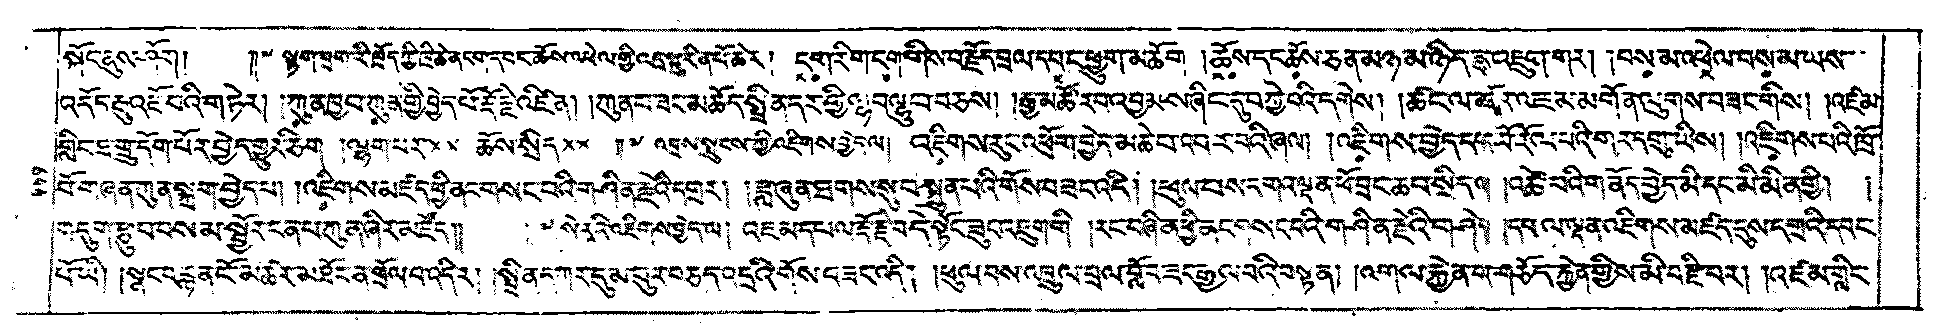སྐོང་ནུས་ཤོག ། །། ༧་སྟག་བྲག་རི་ཁྲོད་ཀྱི་ཁྲི་ཆེན་ངག་དབང་ཆོས་འཕེལ་གྱི་འདྲ་སྐུ་རིན་པོ་ཆེར།  ངག་྾྾་རིག་ངག྾་གིས་བརྗོད་བྲལ་དབང་྾་ཕྱུག་མཆོག །ཆོས་྾྾་དང་ཆོས྾་ཅན་མཉམ་ཉིད་ཟུང་འཇུག་གར། །བསམ྾་འཕེལ་྾་བསམ྾་ཡས་
འདོད་རྒུ་འཇོ་བའི་གཏེར། །ཀུན྾་ཁྱབ་ཀུན྾་གྱི་བྱེད་པོ་རྡོ་རྗེ་འཛིན། །ཀུན་བཟང་མཆོད་སྤྲིན་དར་གྱི་ལྷབ་ལྷུབ་བཅས། །རྒྱ་མཚོ་རབ་འབྱམས་ཞིང་དུ་བཀྱེ་བའི་དགེས། །ཚང་ལ་མ་ནོར་འཇམ་མགོན་ལུགས་བཟང་གིས། །འཛམ་
གླིང་ཐ་གྲུ་དོག་པོར་བྱེད་གྱུར་ཅིག །ལྷག་པར་྾་྾་ཆོས་སྲིད་྾་྾། ། ༧་འབྲས་སྤུངས་ཀྱི་འཇིགས་བྱེད་ལ།  འཇིགས྾་རུང་འཕྲོག་བྱེད་མཆེ་བ་འབར་བའི་ཞལ། །འཇིགས྾་བྱེད་དཔའ་བོ་རོལ་པའི་གར་དགུ་ཡིས། །འཇིགས྾་པའི་ཁྲོ་
བོ་གཞན་ཀུན་སྐྲག་བྱེད་པ། །འཇིགས྾་མཛད་ཕྱི་ནང་གསང་བའི་གཤིན་རྗེའི་དགྲར། །ཟླ་ཞུན་ཐགས་སུ་བསྐྲུན་པའི་གོས་བཟང་འདི། །ཕུལ་བས་དགའ་ལྡན་ཕོ་བྲང་ཆབ་སྲིད་ལ། །འཚེ་བའི་གནོད་བྱེད་མི་དང་མི་མིན་གྱི། །
གདུག་རྩུབ་བསམ་སྦྱོར་ངན་པ་ཀུན་ཞིར་མཛོད།། །།༧་སེ་རྭའི་འཇིགས་བྱེད་ལ།  འཇམ་དཔལ་རྡོ་རྗེ་བདེ་སྟོང་ཟུང་འཇུག་གི །རང་བཞིན་ཕྱི་ནང་གསང་བའི་གཤིན་རྗེའི་གཤེད། །དཔལ་ལྡན་འཇིགས་མཛད་དུས་དགྲའི་དབང་
པོ་ཡི། །སྣང་བརྙན་ངོ་མཚར་མཐོང་ན་གྲོལ་བ་འདིར། །སྤྲིན་དཀར་དུམ་བུར་བཅད་འདྲའི་གོས་བཟང་འདི། །ཕུལ་བས་འཁྲུལ་བྲལ་བློ་བཟང་རྒྱལ་བའི་བསྟན། །འགལ་རྐྱེན་བར་གཅོད་རྐྱེན་གྱིས་མི་བརྫི་བར། །འཛམ་གླིང་